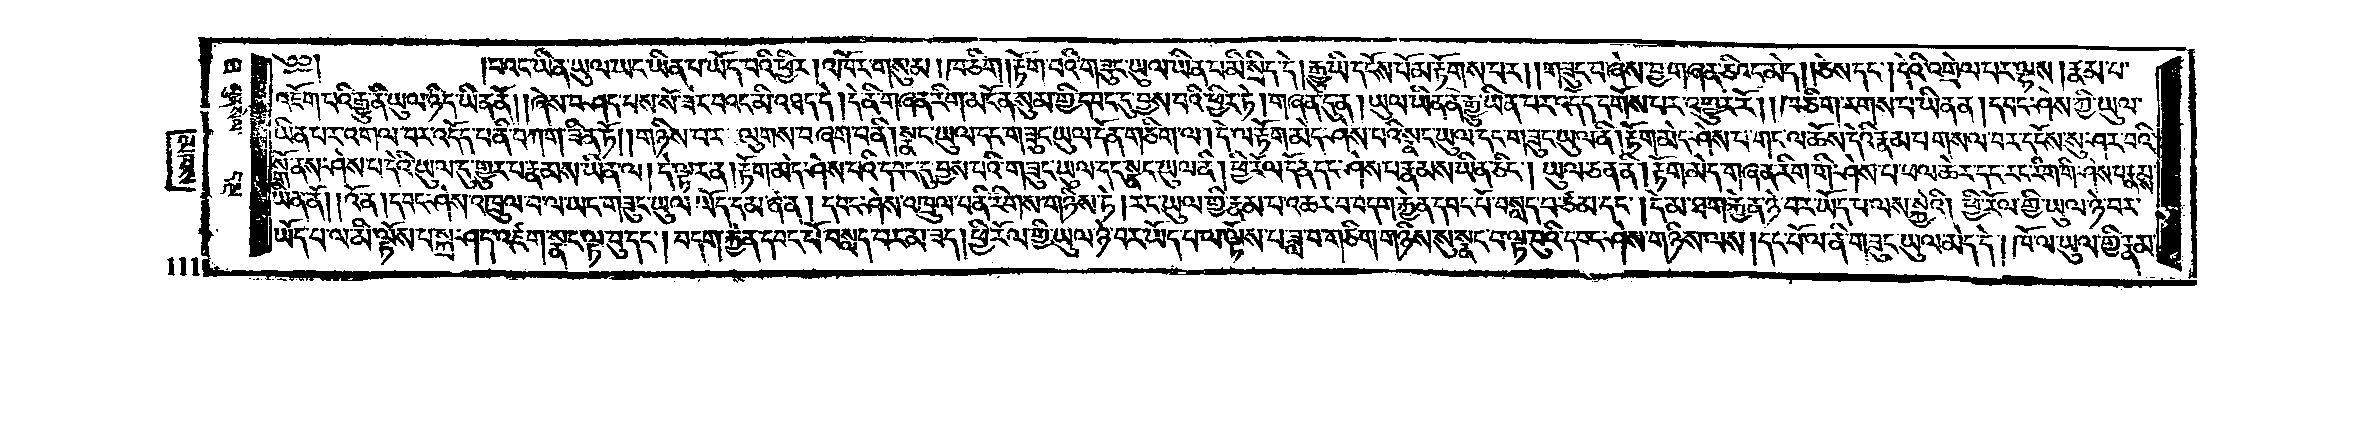༄༅། །པའང་ཡིན་ཡུལ་ཡང་ཡིན་པ་ཡོད་པའི་ཕྱིར། འཁོར་གསུམ། ཁ་ཅིག །རྟོག་པའི་གཟུང་ཡུལ་ཡིན་པ་མི་སྲིད་དེ། རྒྱུ་ཡི་དངོས་པོ་མ་རྟོགས་པར། །གཟུང་བ་ཞེས་བྱ་གཞན་ཅིའང་མེད། །ཅེས་དང་། དེའི་འགྲེལ་པར་ལྷས། རྣམ་པ་
འཇོག་པའི་རྒྱུ་ནི་ཡུལ་ཉིད་ཡིན་ནོ། །ཞེས་བཤད་པས་སོ་ཟེར་བའང་མི་འཐད་དེ། དེ་ནི་གཞན་རིག་མངོན་སུམ་གྱི་དབང་དུ་བྱས་པའི་ཕྱིར་ཏེ། གཞན་དུ་ན། ཡུལ་ཡིན་ན་རྒྱུ་ཡིན་པར་འདོད་དགོས་པར་འགྱུར་རོ། །ཁ་ཅིག་རགས་པ་ཡིན་ན། དབང་ཤེས་ཀྱི་ཡུལ་
ཡིན་པར་འགལ་བར་འདོད་པ་ནི་བཀག་ཟིན་ཏོ། །གཉིས་པ་རང་ལུགས་བཞག་པ་ནི། སྣང་ཡུལ་དང་གཟུང་ཡུལ་དོན་གཅིག་ལ། དེ་ལ་རྟོག་མེད་ཤེས་པའི་སྣང་ཡུལ་དང་གཟུང་ཡུལ་ནི། རྟོག་མེད་ཤེས་པ་གང་ལ་ཆོས་དེའི་རྣམ་པ་གསལ་བར་དངོས་སུ་ཤར་བའི་
སྒོ་ནས་ཤེས་པ་དེའི་ཡུལ་དུ་གྱུར་པ་རྣམས་ཡིན་ལ། དེ་ལྟར་ན། རྟོག་མེད་ཤེས་པའི་དབང་དུ་བྱས་པའི་གཟུང་ཡུལ་དང་སྣང་ཡུལ་ནི། ཕྱི་རོལ་དོན་དང་ཤེས་པ་རྣམས་ཡིན་ཅིང་། ཡུལ་ཅན་ནི། རྟོག་མེད་གཞན་རིག་གི་ཤེས་པ་ཕལ་ཆེར་དང་རང་རིག་གི་ཤེས་པ་རྣམས་
ཡིན་ནོ། །འོ་ན། དབང་ཤེས་འཁྲུལ་བ་ལ་ཡང་གཟུང་ཡུལ་ཡོད་དམ་ཞེ་ན། དབང་ཤེས་འཁྲུལ་པ་ནི་རིགས་གཉིས་ཏེ། རང་ཡུལ་གྱི་རྣམ་པ་འཆར་བ་བདག་རྐྱེན་དབང་པོ་བསླད་པ་ཙམ་དང་། དེ་མ་ཐག་རྐྱེན་ཉེ་བར་ཡོད་པ་ལས་སྐྱེའི། ཕྱི་རོལ་གྱི་ཡུལ་ཉེ་བར་
ཡོད་པ་ལ་མི་ལྟོས་པ་སྐྲ་ཤད་འཛག་སྣང་ལྟ་བུ་དང་། བདག་རྐྱེན་དབང་པོ་བསླད་པར་མ་ཟད། ཕྱི་རོལ་གྱི་ཡུལ་ཉེ་བར་ཡོད་པ་ལ་ལྟོས་པ་ཟླ་བ་གཅིག་གཉིས་སུ་སྣང་བ་ལྟ་བུའི་དབང་ཤེས་གཉིས་ལས། དང་པོ་ལ་ནི་གཟུང་ཡུལ་མེད་དེ། ཁོ་ལ་ཡུལ་གྱི་རྣམ་